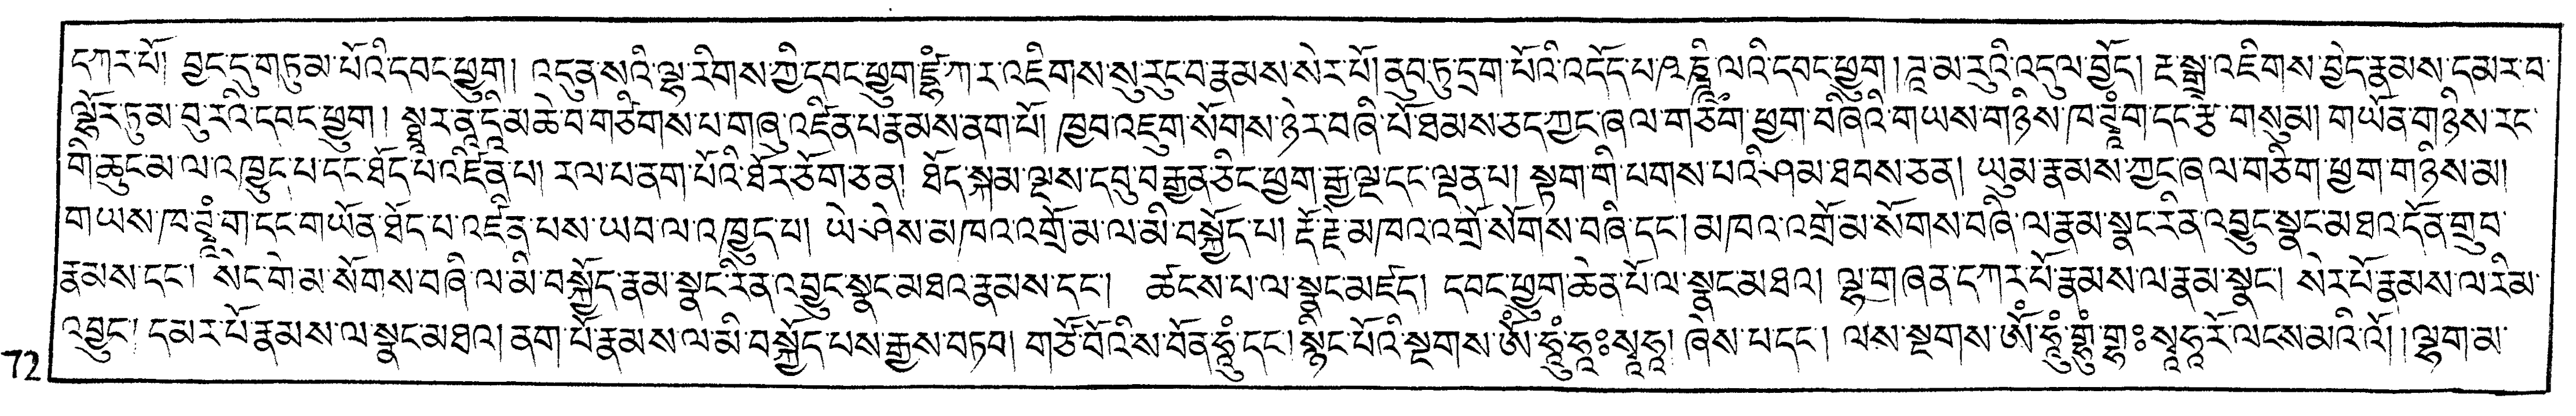དཀར་པོ། བྱང་དུ་གཏུམ་པོའི་དབང་ཕྱུག །འདུན་སའི་ལྷ་རིགས་ཀྱི་དབང་ཕྱུག་ཛྷཾ་ཀ་ར་འཇིགས་སུ་རུང་བ་རྣམས་སེར་པོ། ནུབ་ཏུ་དྲག་པོའི་འདོད་པ་ཥཎྜཱི་ལའི་དབང་ཕྱུག །ཌཱ་མ་རུའི་འདུལ་བྱོད། རྔ་སྒྲ་འཇིགས་བྱེད་རྣམས་དམར་བ་
ལྷོར་ཏུམ་བུ་རའི་དབང་ཕྱུག །སྠཱར་ནཱ་དཱི་མཆེ་བ་གཙིགས་པ་གཞུ་འཛིན་པ་རྣམས་ནག་པོ། ཁྱབ་འཇུག་སོགས་ཉེར་བཞི་པོ་ཐམས་ཅད་ཀྱང་ཞལ་གཅིག་ཕྱག་བཞིའི་གཡས་གཉིས་ཁ་ཊྭཱཾ་ག་དང་རྩེ་གསུམ། གཡོན་གཉིས་རང་
གི་ཆུང་མ་ལ་འཁྱུད་པ་དང་ཐོད་པ་འཛིན་པ། རལ་པ་ནག་པོའི་ཐོར་ཅོག་ཅན། ཐོད་སྐམ་ལྔས་དབུ་བརྒྱན་ཅིང་ཕྱག་རྒྱ་ལྔ་དང་ལྡན་པ། སྟག་གི་པགས་པའི་ཤམ་ཐབས་ཅན། ཡུམ་རྣམས་ཀྱང་ཞལ་གཅིག་ཕྱག་གཉིས་མ།
གཡས་ཁ་ཊྭཱཾ་ག་དང་གཡོན་ཐོད་པ་འཛིན་པས་ཡབ་ལ་འཁྱུད་པ། ཡེ་ཤེས་མཁའ་འགྲོ་མ་ལ་མི་བསྐྱོད་པ། རྡོ་རྗེ་མཁའ་འགྲོ་སོགས་བཞི་དང་། མཁའ་འགྲོ་མ་སོགས་བཞི་ལ་རྣམ་སྣང་རིན་འབྱུང་སྣང་མཐའ་དོན་གྲུབ་
རྣམས་དང་། སེང་གེ་མ་སོགས་བཞི་ལ་མི་བསྐྱོད་རྣམ་སྣང་རིན་འབྱུང་སྣང་མཐའ་རྣམས་དང་། ཚངས་པ་ལ་སྣང་མཛད། དབང་ཕྱུག་ཆེན་པོ་ལ་སྣང་མཐའ། ལྷ་གཞན་དཀར་པོ་རྣམས་ལ་རྣམ་སྣང་། སེར་པོ་རྣམས་ལ་རིམ་
འབྱུང་། དམར་པོ་རྣམས་ལ་སྣང་མཐའ། ནག་པོ་རྣམས་ལ་མི་བསྐྱོད་པས་རྒྱས་བཏབ། གཙོ་བོའི་ས་བོན་ཧཱུཾ་དང་། སྙིང་པོའི་སྔགས་ཨོཾ་ཧཱུཾ་ཧཱཿ སྭཱཧཱ། ཞེས་པ་དང་། ལས་སྔགས་ཨོཾ་ཧཱུཾ་གྷུཾ་གྷཿ སྭཱཧཱ་རོ་ལངས་མའི་འོ། །ལྷག་མ་